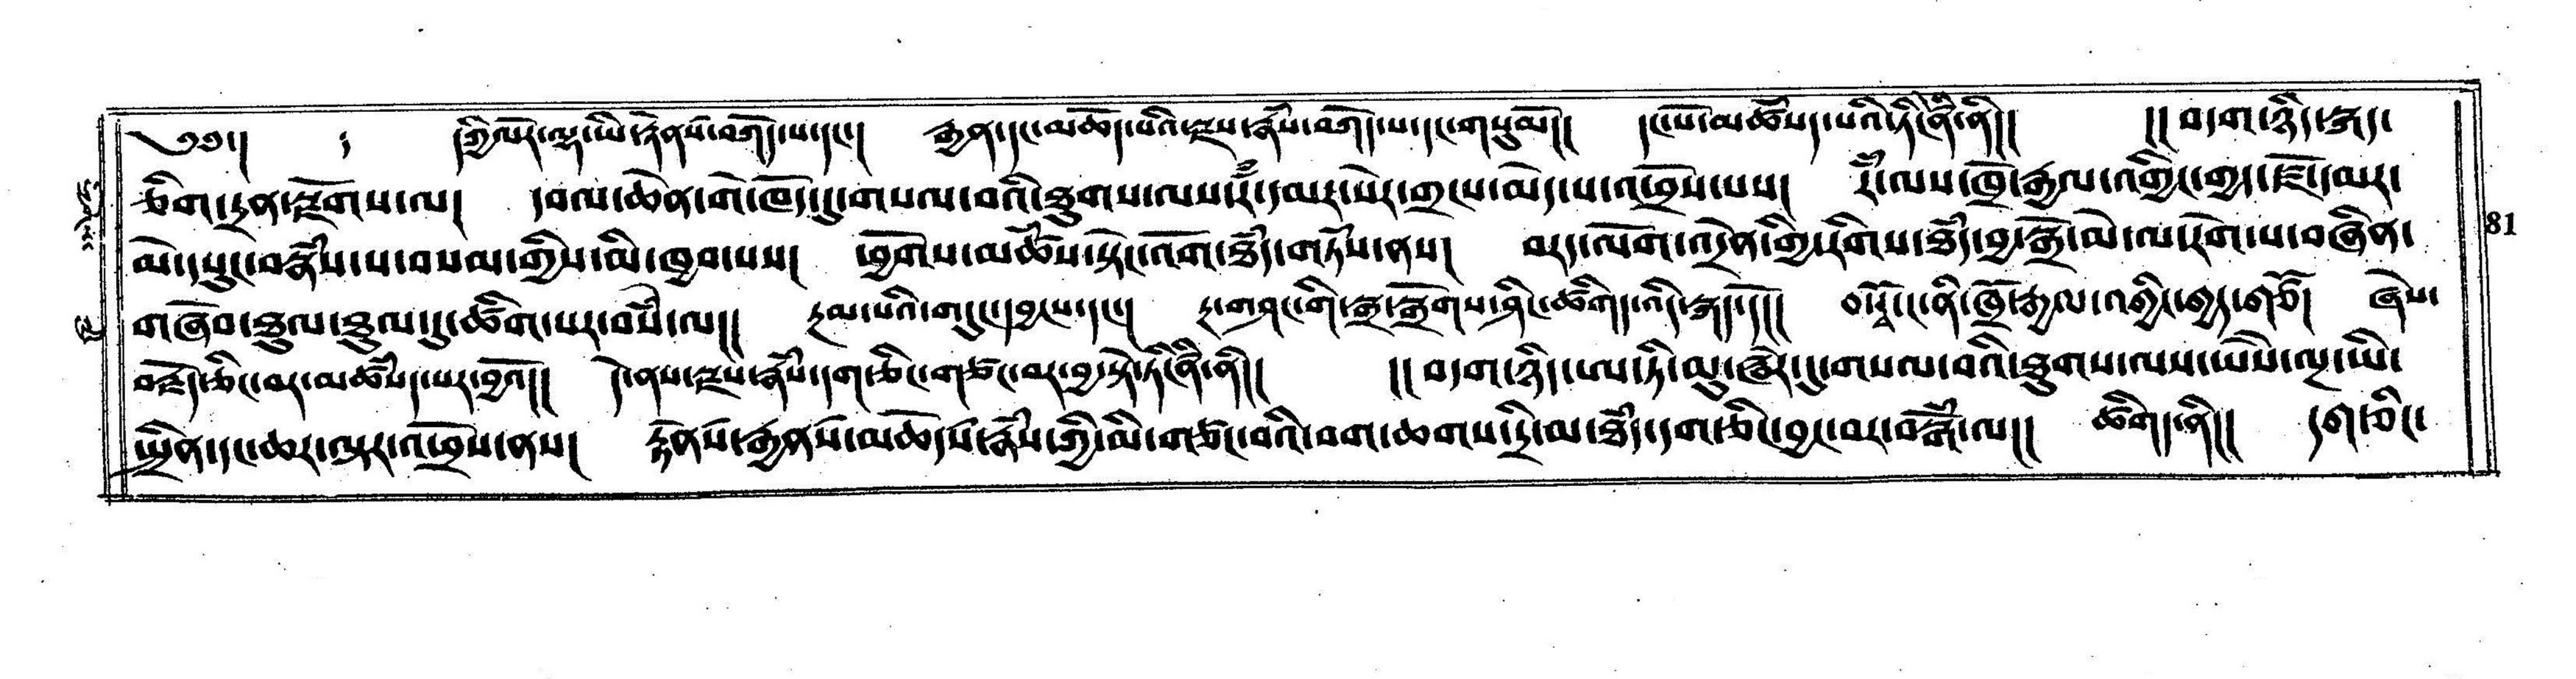དཀྱིལ་འཁོར་ལྷ་ཡི་རྟེན་རྫས་བཀོད་པ་དང་། རྒྱན་དང་མཆོད་པའི་རྫས་རྣམས་བཀོད་པ་དང་གསུམ་མོ།། དང་པོ་མཚམས་བཅད་པའི་ཏིང་ངེ་འཛིན་ནི།། །།བདག་ཉིད་སྐད་
ཅིག་དྲན་རྫོགས་ལ། དབལ་ཆེན་གེ་ཁོད་དུ་གསལ་བའི་ཐུགས་ལས་རྃ་དམར་སེར་གྲངས་མེད་པ་འཕྲོས་པས། རྃ་ལས་ཁྲོ་རྒྱལ་འགྱིང་གྱད་ཛོ་དམར་
མེ་དཔུང་བསྣམས་པ་བསམ་གྱིས་མི་ཁྱབ་པས། ཕྱོགས་མཚམས་སྟེང་འོག་ཐམས་ཅད་གཏམས་ནས། བར་ཆད་ལོག་འདྲེན་གྱི་རིགས་ཐམས་ཅད་བྱ་སྒྲོ་མེ་ལ་རེག་པ་བཞིན་
གཞོབ་ཐུལ་ཐུལ་དུ་ཚིག་པར་བསམ་ལ།། རྔམ་པའི་གདུང་དབྱངས་དང་། རྔ་གཤང་གི་སྒྲ་སྒྲོགས་ཤིང་ཚིག་བཤད་འདི་སྐད་དོ།། བསྭོ་ང་ནི་ཁྲོ་རྒྱལ་འགྱིང་གྱད་གཙོ། ཞེས་
བརྗོད་ཅིང་བར་མཚམས་བཅད་པར་བྱའོ།། དེ་ནས་རྫས་རྣམས་དག་ཅིང་གཙང་བར་བྱ་སྟེ་ཏིང་འཛིན་ནི།། །།བདག་ཉིད་ཨ་ཏི་མུ་ཝེར་དུ་གསལ་བའི་ཐུགས་ལས་ཡེ་ཤེས་ལྔ་ཡི་
སྤྲིན་དང་ཆར་ལྟར་འཕྲོས་ནས། རྟེན་རྫས་རྒྱན་རྫས་མཆོད་རྫས་རྣམས་ཀྱི་མི་གཙང་བའི་བག་ཆགས་དྲི་མ་ཐམས་ཅད་དག་ཅིང་བྱང་བར་བསྒོམ་ལ།། ཚིག་བཤད་ནི། དག་ཅིང་